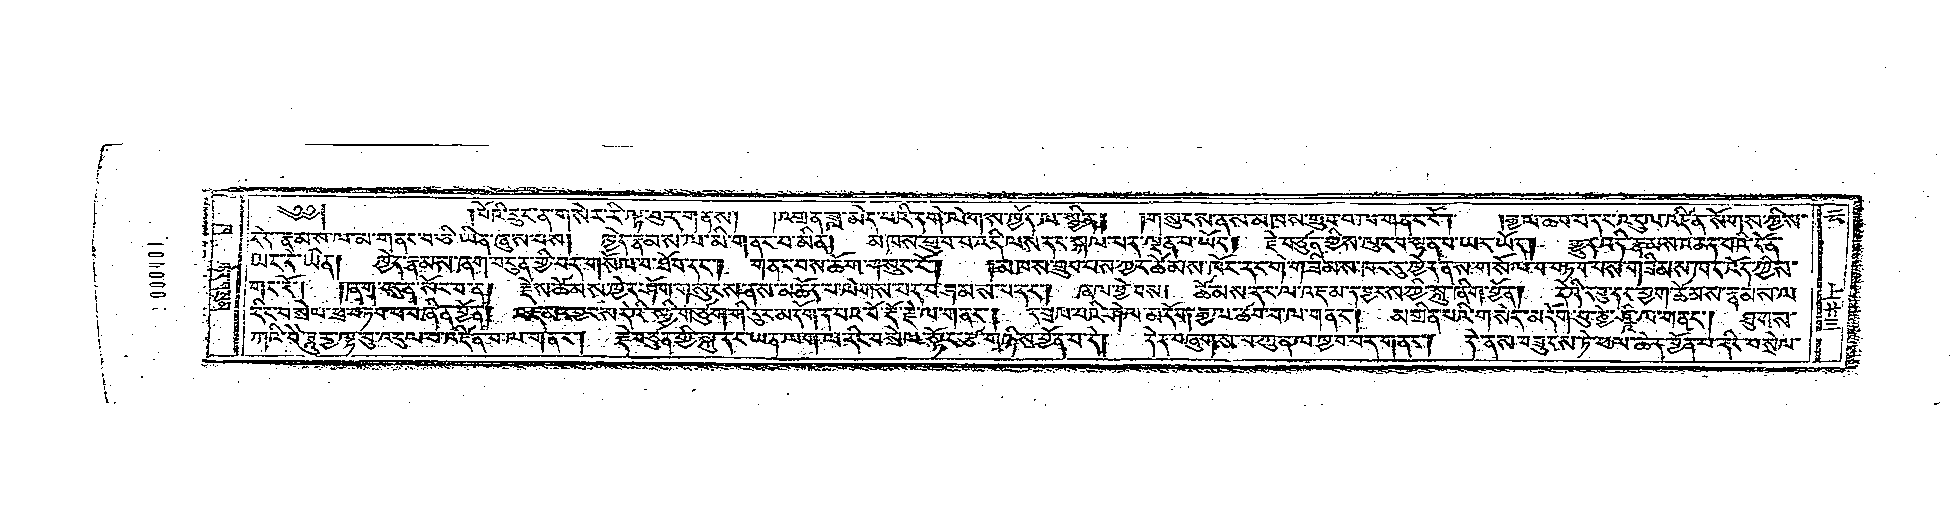༄༅། །པོའི་དྲུང་ན་གསེར་རི་ལྟ་བུར་གནས། །འགྲན་ཟླ་མེད་པའི་དགེ་ལེགས་ཁྱོད་ལ་སྦྱིན། །གསུངས་ནས་མཁས་གྲུབ་པ་ལ་གནང་ངོ། །རྒྱལ་ཚབ་པ་དང་འདུལ་འཛིན་སོགས་ཀྱིས་
དེང་རྣམས་ལ་མ་གནང་བ་ཅི་ཡིན་ཞུས་པས། ཁྱེད་རྣམས་ལ་མི་གནང་བ་མིན། མཁས་གྲུབ་པ་འདི་ལས་དང་སྐལ་པར་ལྡན་པ་ཡོད། རྗེ་བཙུན་གྱིས་ལུང་བསྟན་པ་ཡང་ཡོད། རྒྱུད་འདི་རྣམས་འཆད་པའི་དོན་
ཡང་དེ་ཡིན། ཁྱེད་རྣམས་ཞག་བདུན་གྱི་བར་གསོལ་བ་ཐོབ་དང་། གནང་བས་ཆོག་གསུང་ངོ། །མཁས་གྲུབ་པས་ཀྱང་ཚེམས་ཁོང་རང་གི་གཟིམས་ཁང་དུ་ཁྱེར་ནས་གསོལ་བ་བཏབ་པས་གཟིམས་ཁང་འོད་ཀྱིས་
གང་ངོ། །ཞག་བདུན་སོང་བ་ན། རྗེས་ཚེམས་ཁྱེར་ཤོག་གསུངས་ནས་མཆོད་པ་ལེགས་པར་བཤམས་པ་དང་། ཞལ་ཕྱེ་བས། ཚེམས་རང་ལ་འཇམ་དབྱངས་ཀྱི་སྐུ་ཞིག་བྱོན། དེའི་དབུ་དང་ཕྱག་ཚེམས་རྣམས་ལ་
རིང་བསྲེལ་ཕྲ་བཏབ་པ་བཞིན་བྱོན། འཇམ་དབྱངས་དེའི་སྤྱི་གཙུག་གི་དུང་མདོག་དཔའ་བོ་རྡོ་རྗེ་ལ་གནང་། དབྲལ་བའི་ཤེལ་མདོག་རྒྱལ་ཚབ་པ་ལ་གནང་། མགྲིན་པའི་གསེར་མདོག་པུ་ཎྱེ་ཤྲཱི་ལ་གནང་། ཐུགས་
ཀའི་བཻ་ཊཱུརྱ་ལྟ་བུ་འདུལ་བ་འཛིན་པ་ལ་གནང་། རྗེ་བཙུན་གྱི་སྐུ་དང་ཡན་ལག་ལ་རིང་བསྲེལ་སྟོང་རྩ་གཉིས་བྱོན་པ་དེ། དེར་བཞུགས་པ་ཀུན་ལ་ཁྱབ་བར་གནང་། དེ་ནས་བཟུངས་ཏེ་ཕལ་ཆེར་བྱོན་བ་རིང་བསྲེལ་